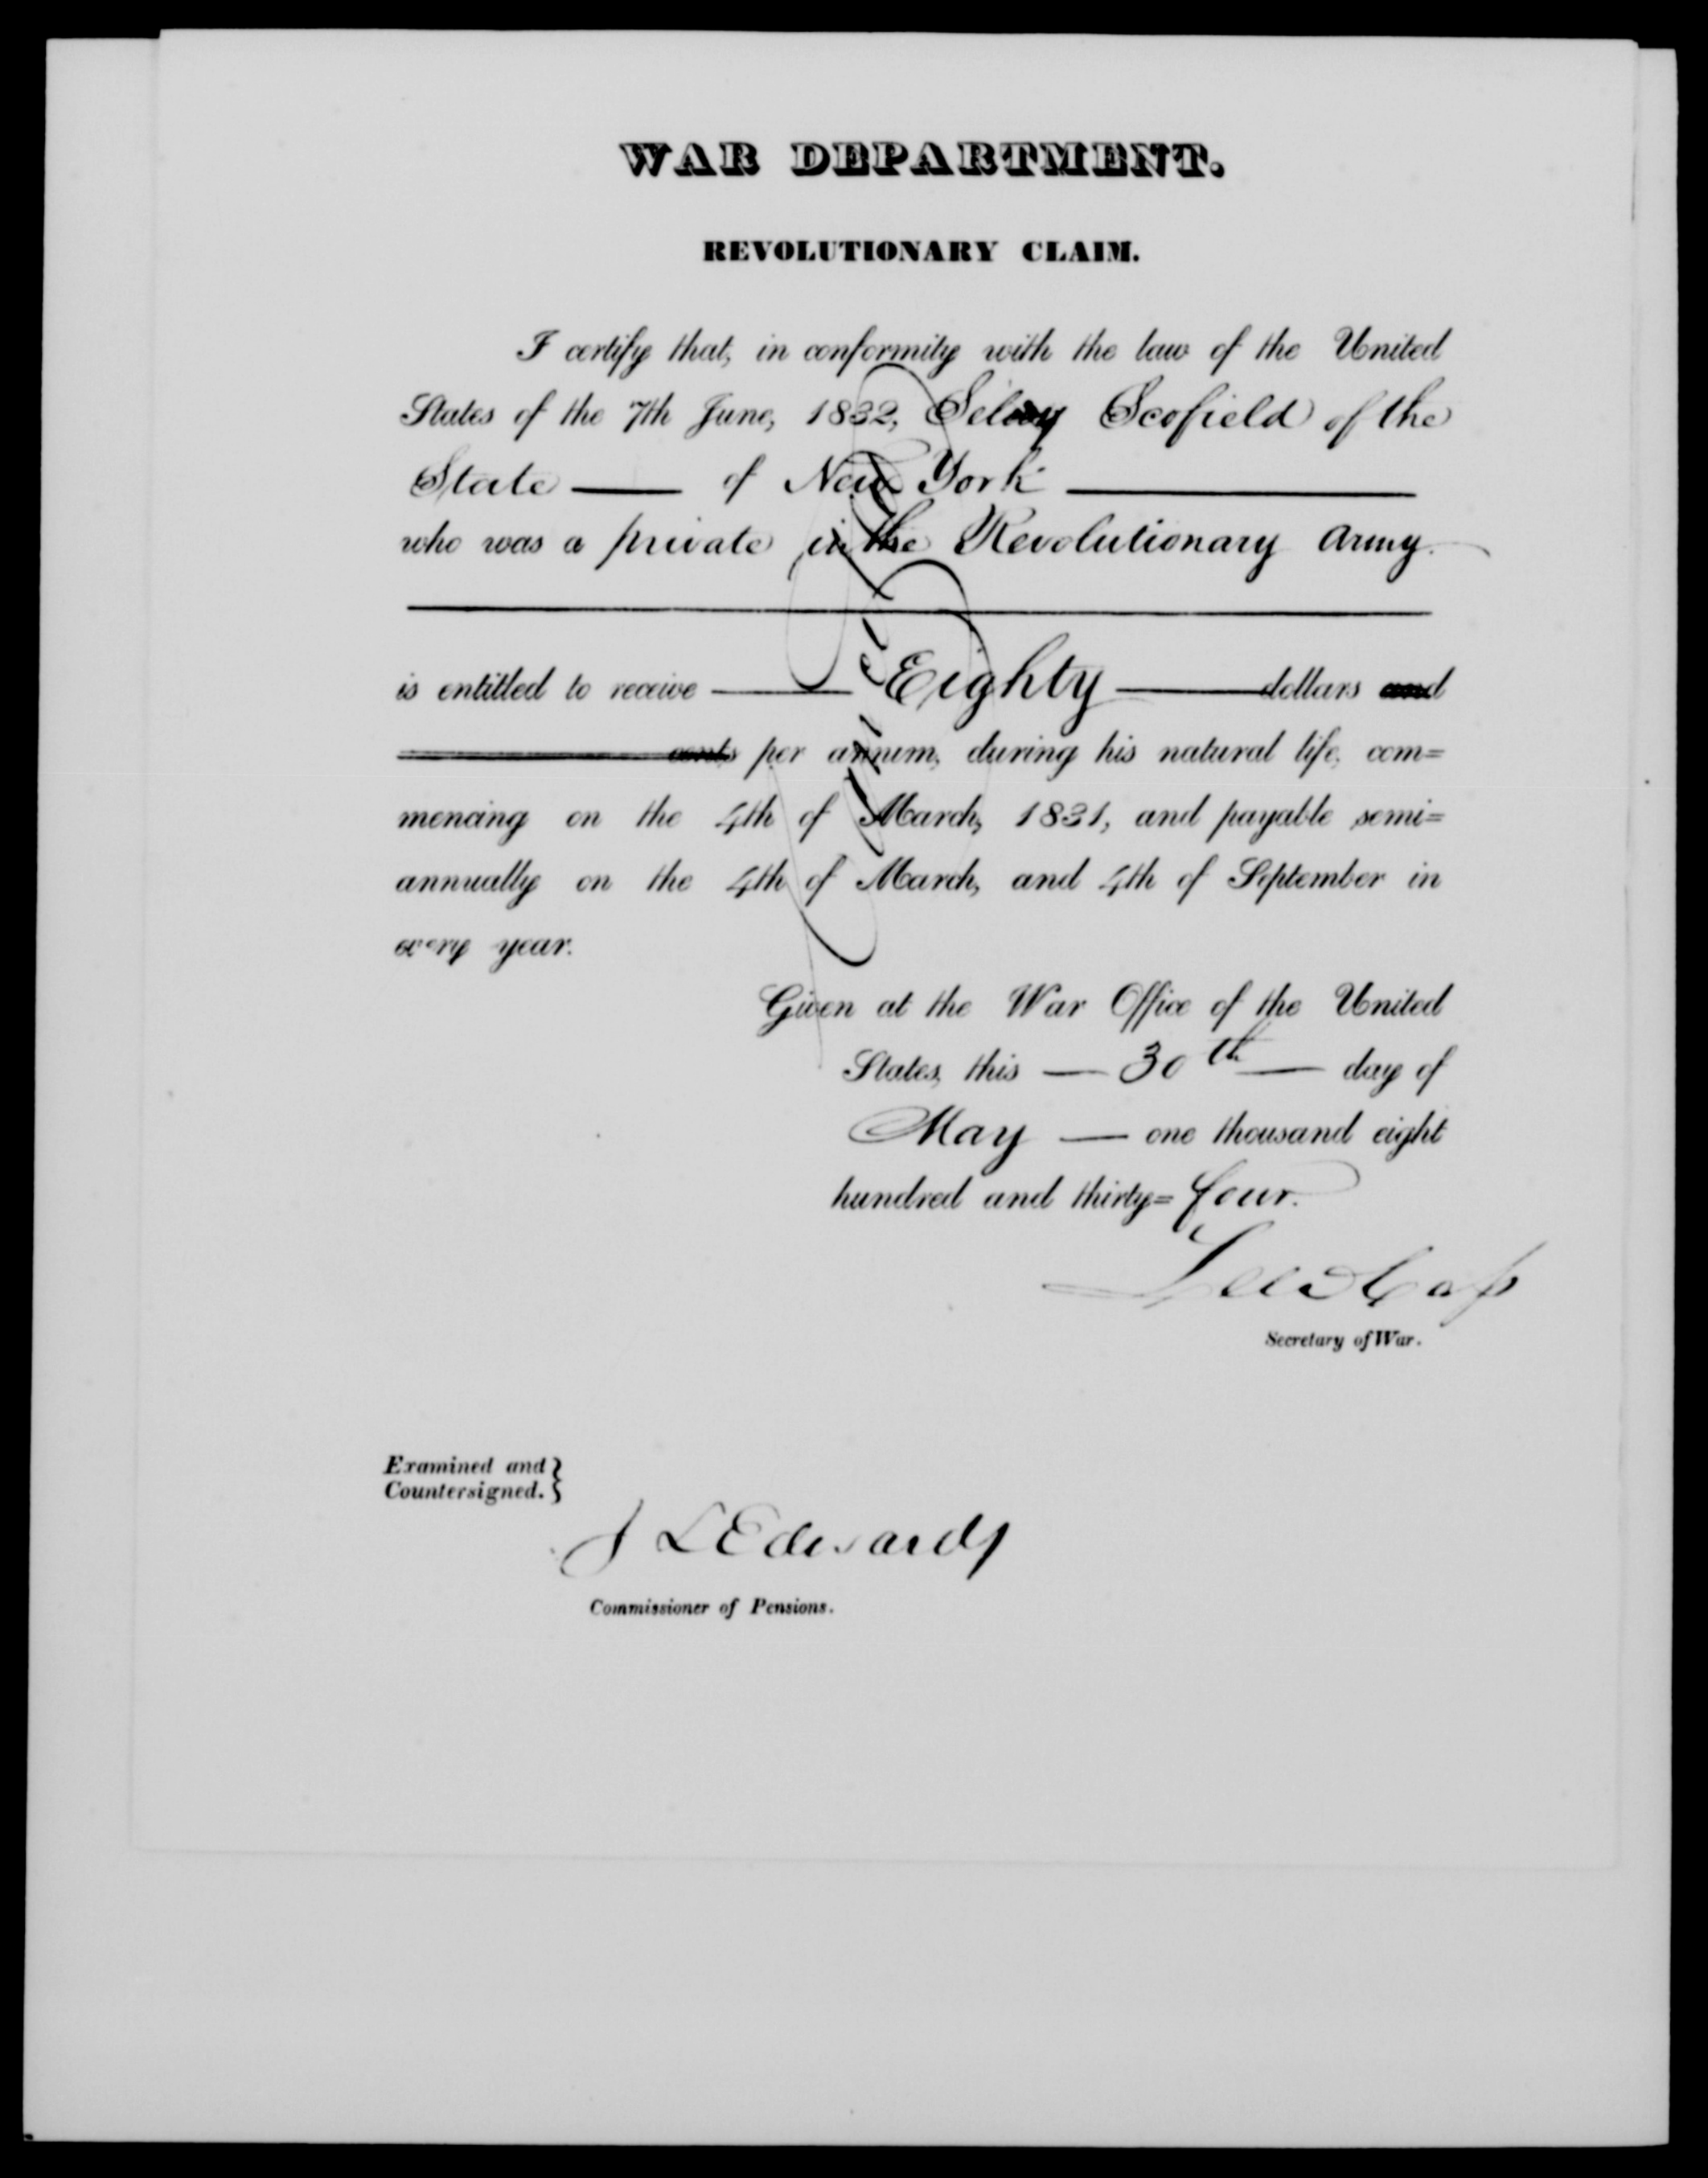WAR DEPARTMENT. 
REVOLUTIONARY CLAIM. 
I certify that in conformity with the law of the United States of the 7th June, 1832, Seley Scofield of the State of New York who was a private in the Revolutionary Army is entitled to receive Eighty dollars per annum, during his natural life, commencing on the 4th of March 1831, and payable semi-annually on the 4th of March and 4th of September in every year.   
Given at the War Office of the United States this 30th day of May one thousand eight hundred and thirty four. 
Lew Cass
Secretary of War.
Examined and Countersigned. 
J. L. Edwards 
Commissioner of Pensions.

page: 15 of 36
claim: survivor's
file: S. 10,004, for Seely Scofield, Connecticut